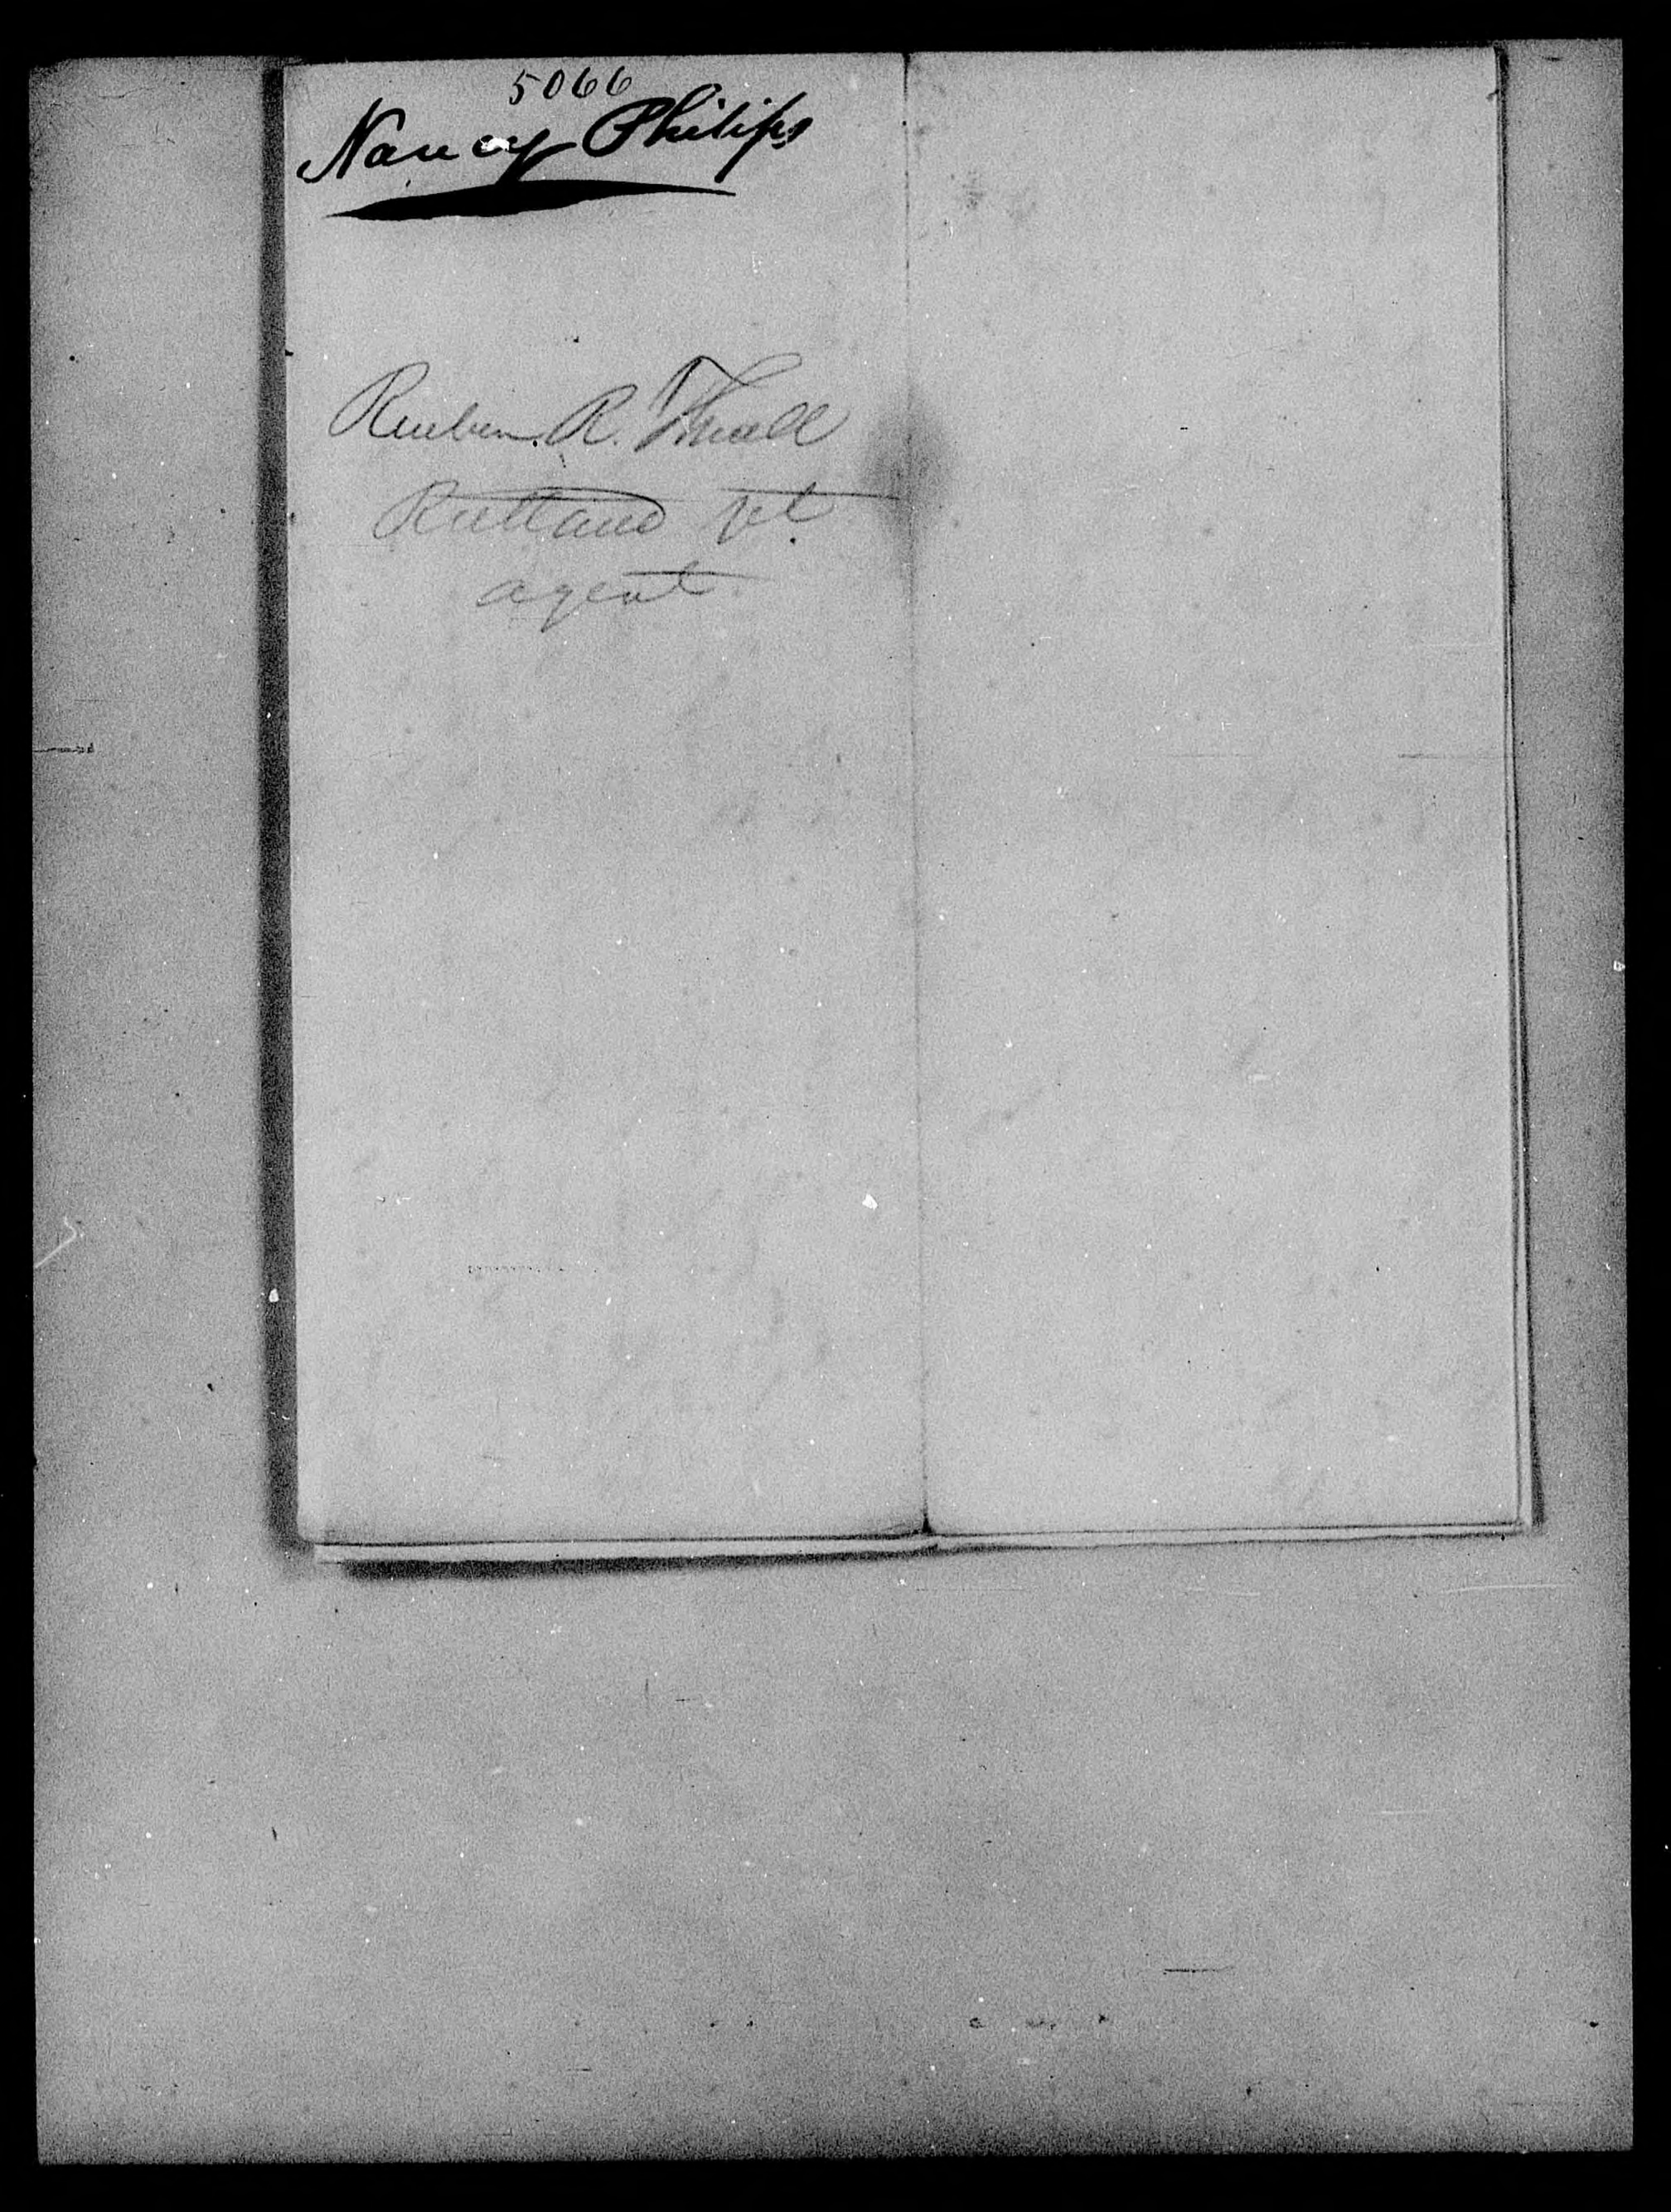5066

Nancy Phillips

Rueben R. Thrall
Rutland Vt.
Agent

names: Nancy Philips; Reuben R Thrall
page: 40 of 66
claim: widow's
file: W. 18752, for Israel Phillips, Rhode Island